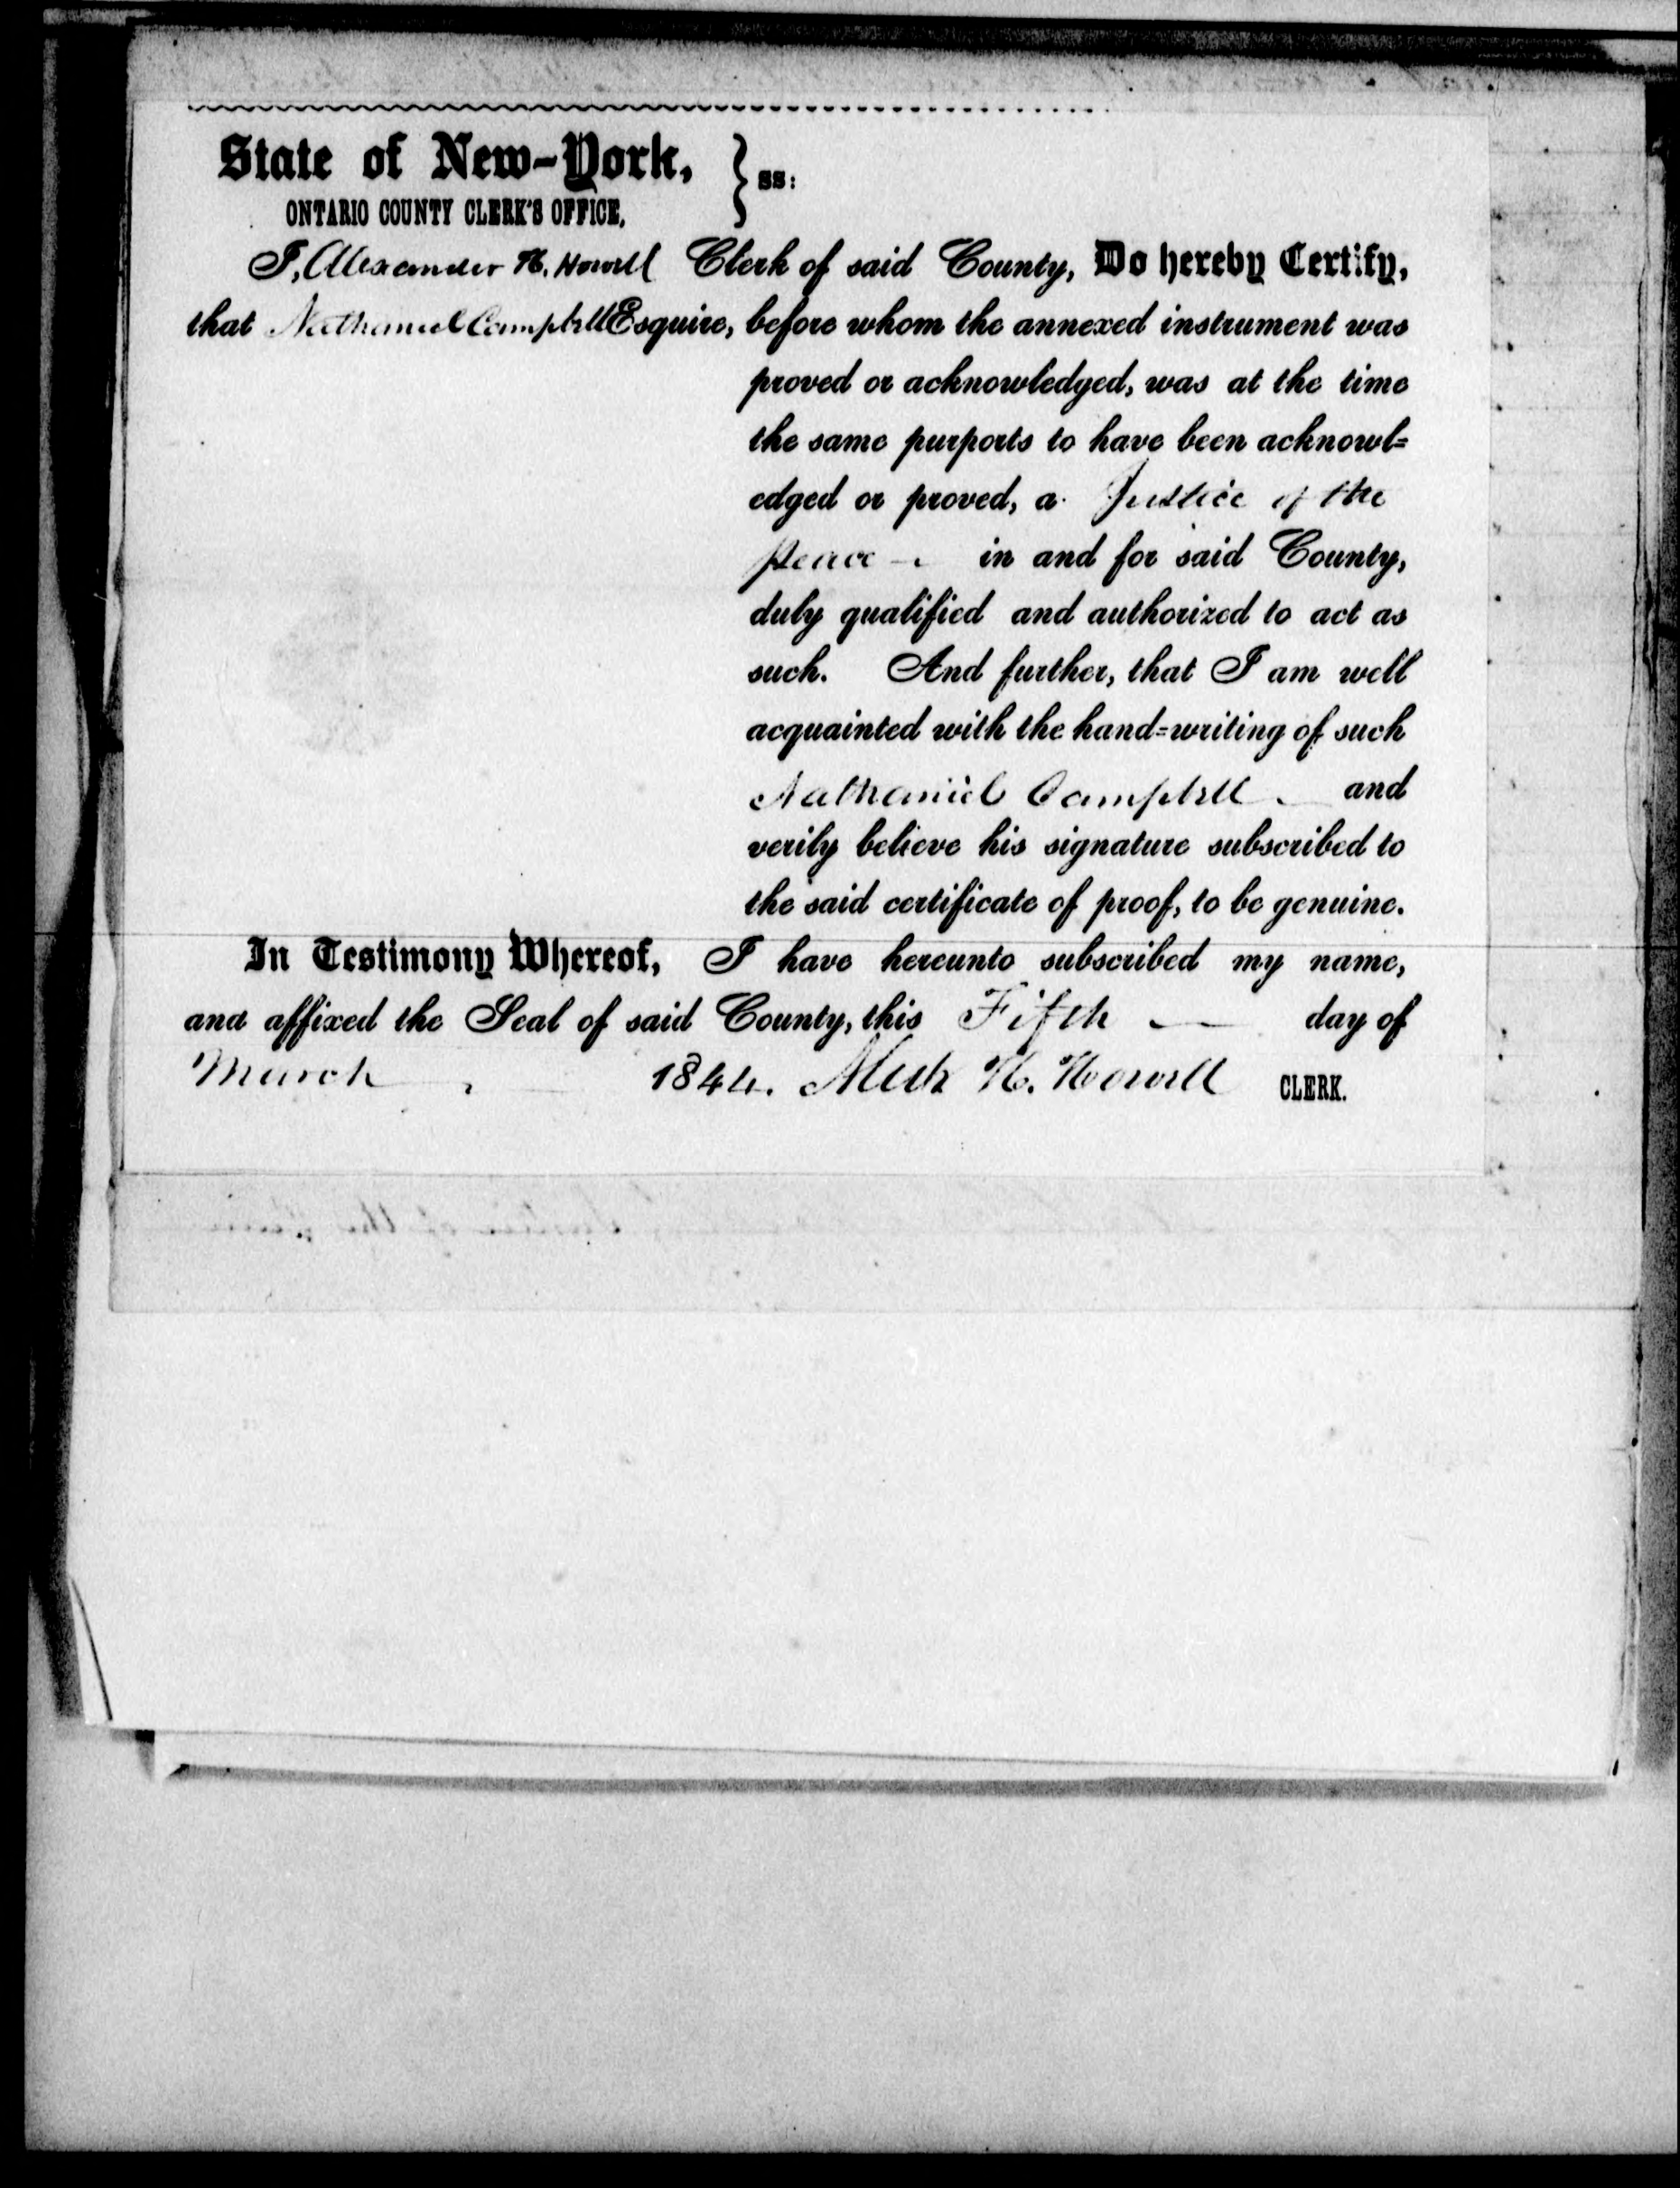State of New-York,
ONTARIO COUNTY CLERK' S OFFICE, SS:
I, Alexander H. Howell Clerk of said County, Do hereby Certify, that Nathaniel Campbell Esquire, before whom the annexed instrument was proved or acknowledged, was at the time
the same purports to have been acknowledged or proved, a Justice of the Peace in and for said County, duly qualified and authorized to act as such. And further, that I am well acquainted with the hand-writing of such Nathaniel Campbell and
verily believe his signature subscribed to the said certificate of proof, to be genuine.  In Testimony Whereof, I have hereunto subscribed my name
and affixed the Seal of said County, this Fifth -
day of 1844. A
Alexr H. Howell [signature] CLERK.

[round seal is on left side of page]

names: Nathaniel Campbell, Alexander H Howell, Nathaniel Campbell, Alexr H Howell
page: 8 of 70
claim: rejected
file: R. 10,832, Martin Van Buskirk, New York.